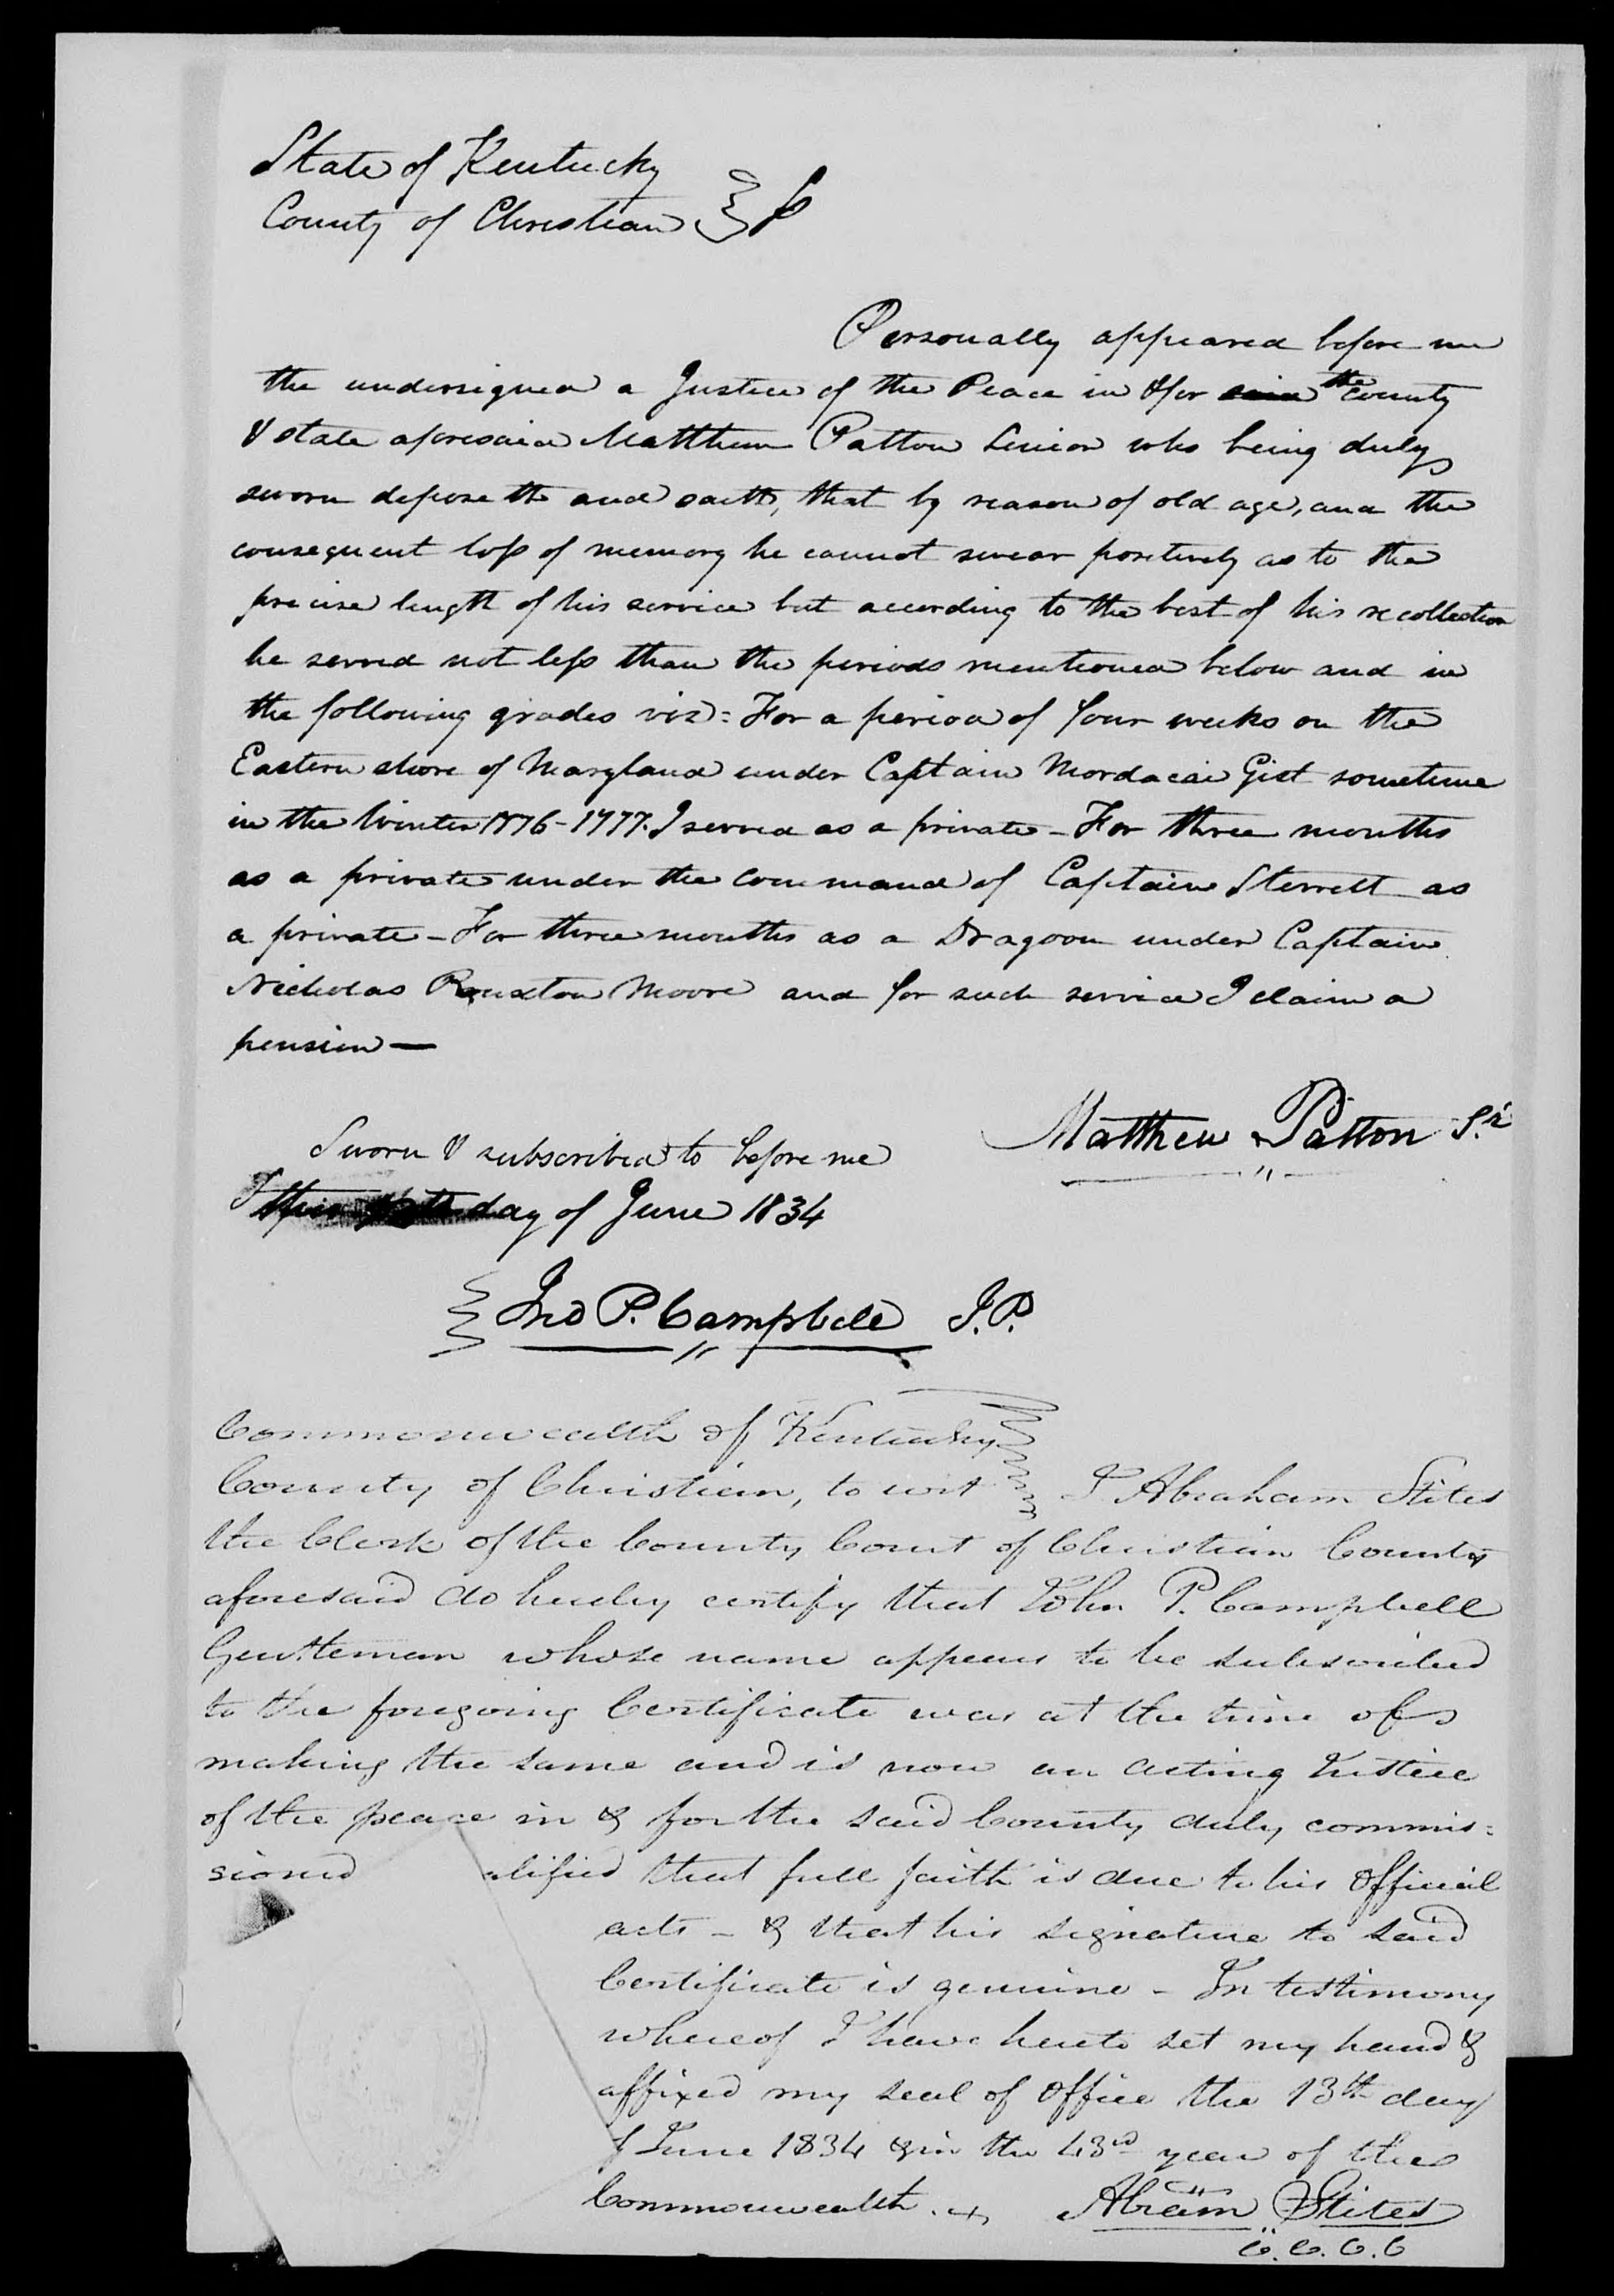State of Kentucky
County of Christian Sct

Personally appeared before me the undersigned a Justice of the Peace in & for said county & state aforesaid Matthew Patton Senior who being duly sworn deposes & saith on oath that by reason of old age and the consequent loss of memory he cannot answer particularly as to the precise length of his service but according to the best of his recollection he served not less than the periods mentioned below and in the following grades, viz:

For a period of four weeks on the Eastern shore of Maryland under Captain Mordecai Gist sometime in the winter 1776–1777—served as a private. For three months as a private under the command of Captain Clement as a private. For three months as a Dragoon under Captains Nelson & (illegible) Moore, and for such service I claim a pension—

Sworn to & subscribed before me this 4th day of June 1834
[signature] Matthew Patton Sr.
[signature] And. P. Campbell J.P.

Commonwealth of Kentucky
County of Christian, to wit:

I Absolom Stites, the clerk of the county court of Christian County aforesaid do hereby certify that And. P. Campbell, gentleman whose name appears to the subjoined certificate was at the time of making the same and is now an acting Justice of the Peace in & for the said County duly commissioned & qualified, that full faith is due to his official acts & that his signature to the said certificate is genuine. In testimony whereof I have hereunto set my hand & affixed my seal of office this 13th day of June 1834 and in the 43rd year of the Commonwealth.

[signature] Absolom Stites, C.C.C.C.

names: Nicholas Ruxton Moore; Abraham Stiles; Matthew Patton; [BLANK] Sterrett; Mordecai Gist; John P Campbell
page: 32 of 45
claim: survivor's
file: S. 31294, for Matthew Patton, Maryland